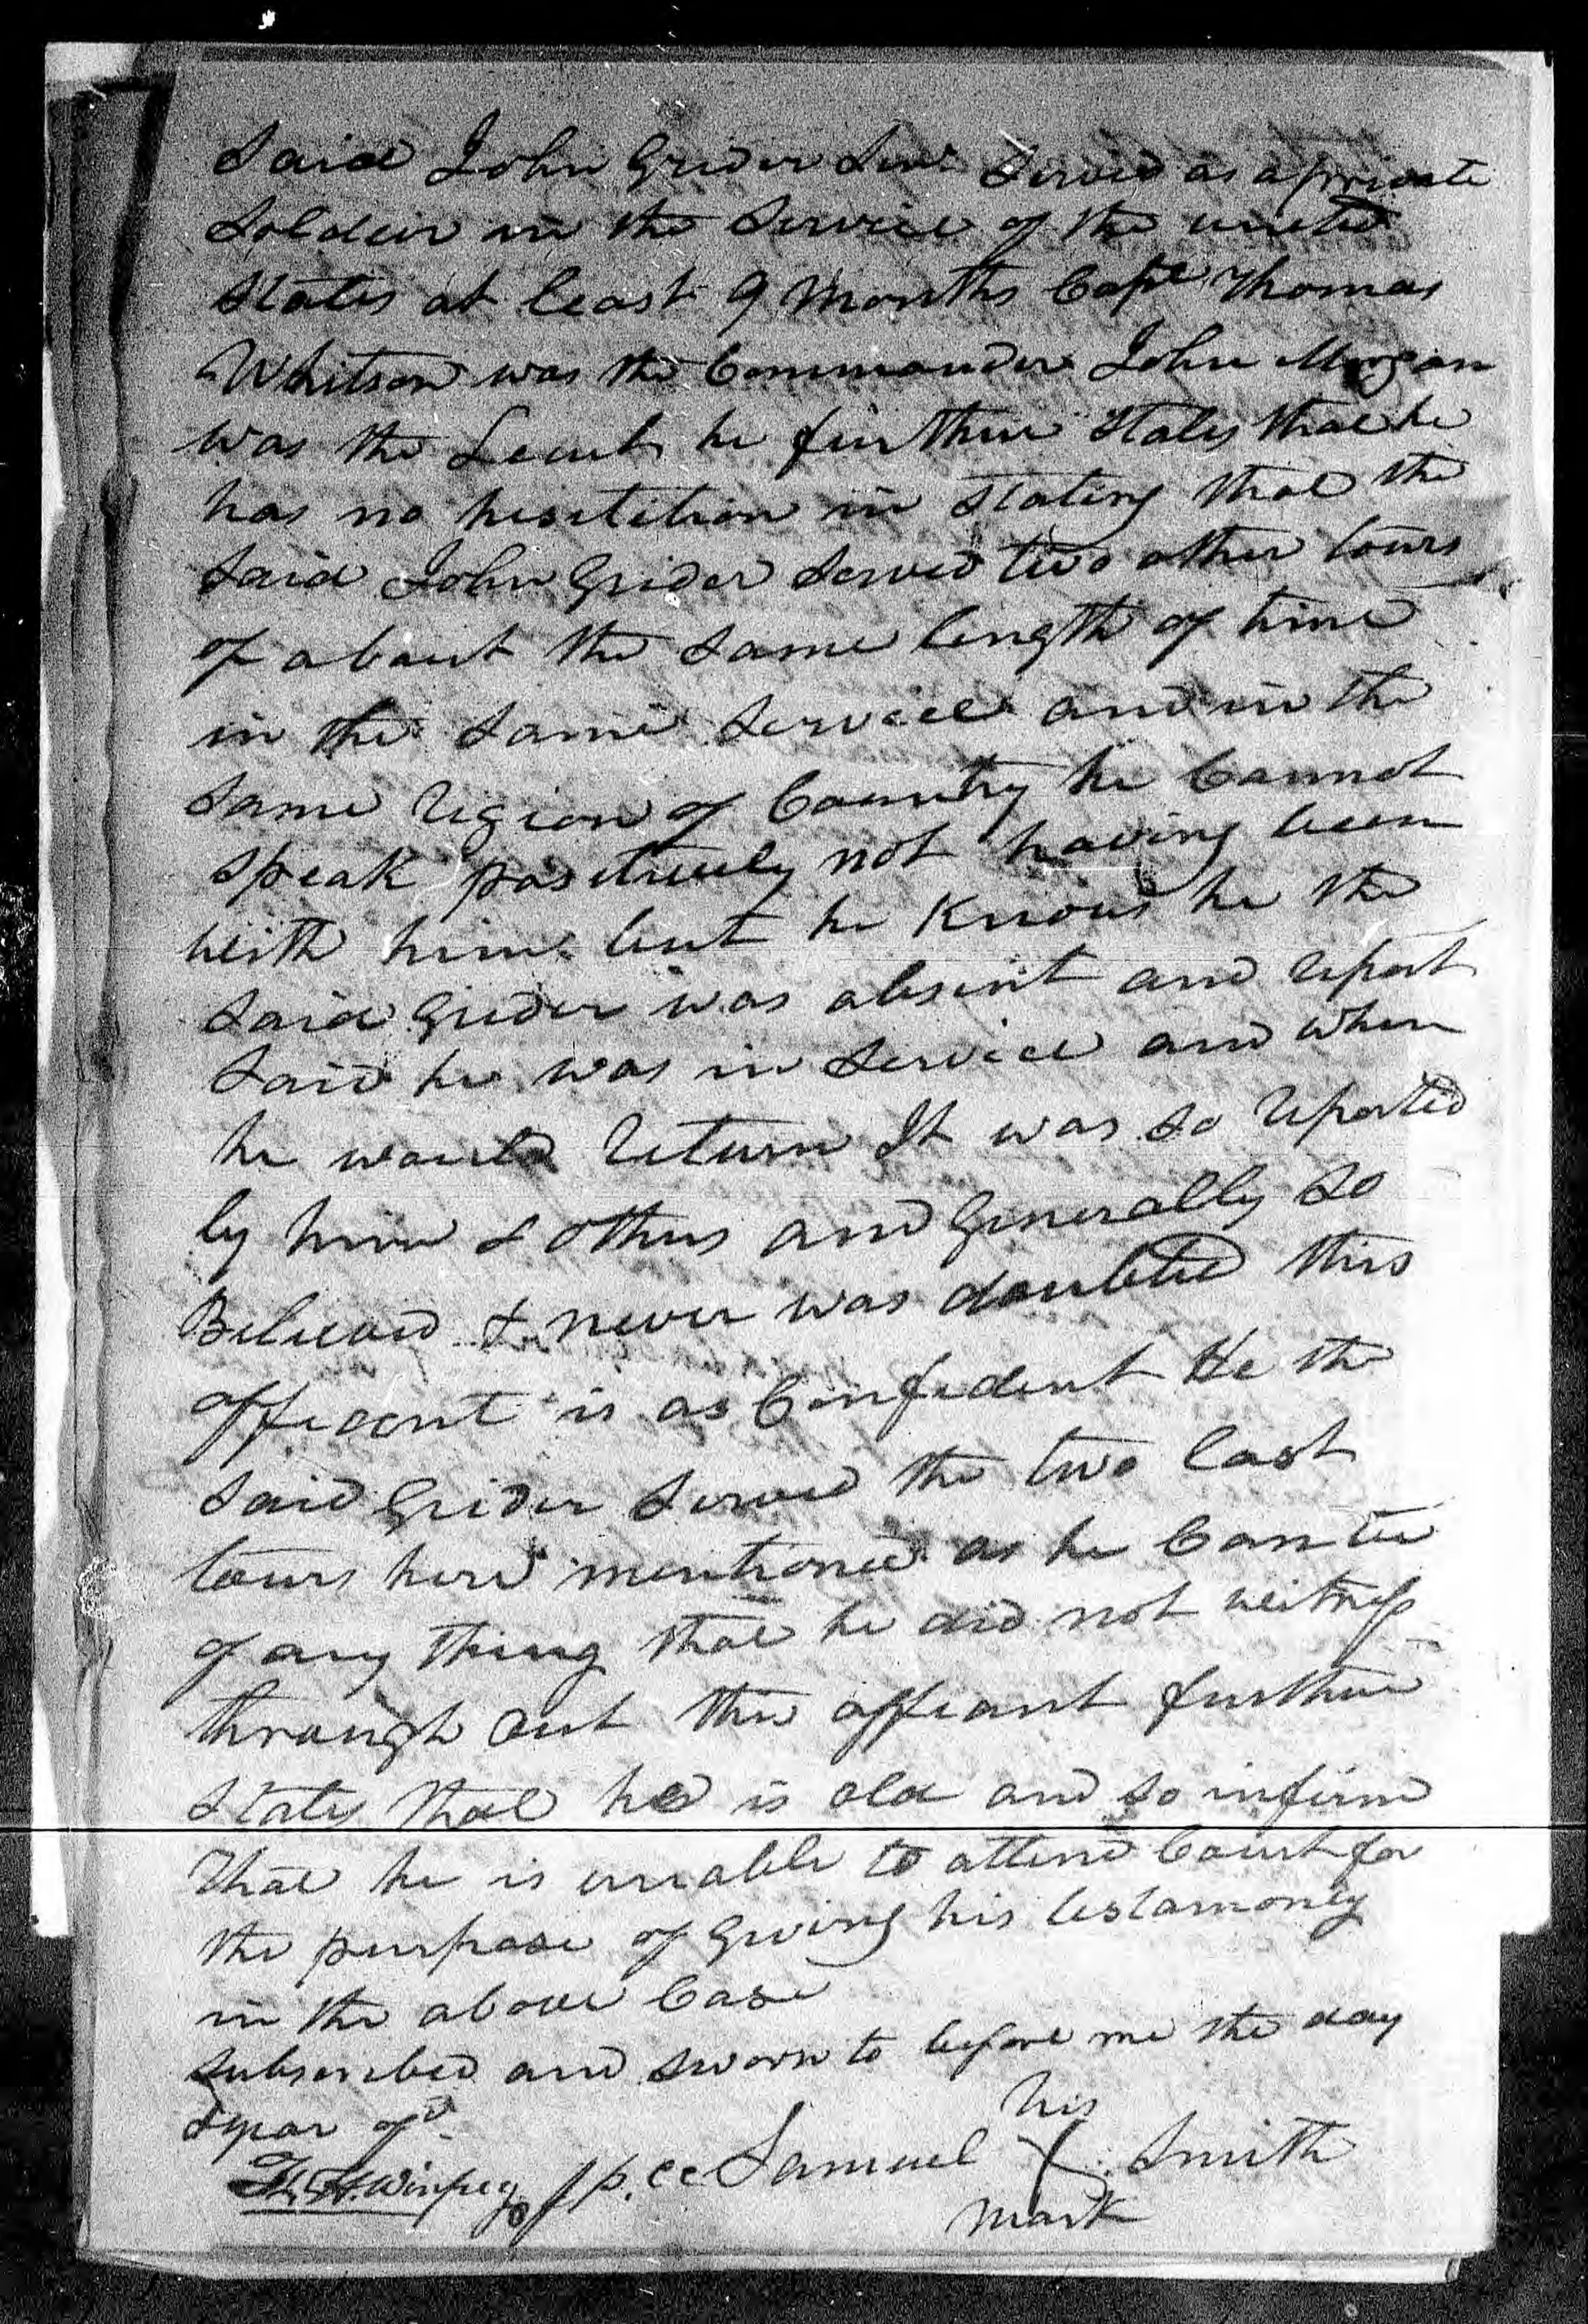said John Grider [illegible] served as a private soldier in the service of teh United States at least 9 months Capt Thomas Whitson was the commander and John Morgan was the Lieut he further states that he has no hesitation in stating that the said John Grider served  two other tours of about the same length of time in the same service and in the same region of country he cannot speak positively not having been with him but he knows he the said Grider was absent and Report said he was in service and when he would return  [illegible] was so reported by him and others and generally so believed and never was doubted this affiant is as confident he the said Grider served the two last tours here mentioned as he [illegible] of any thing that he did not witness through and this affiant further states that he is old and so infirm that he is  unable to attend court for the purpose of giving his testamony [testimony] in the above case.
Subscribed and sworn to before me the day and year of [illegible].

F.H. Winfrey JP   [signed] Samuel Smith (his mark)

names: Thomas Whitson, F H Winfrey, Samuel Smith, John Morgan, Grider, John Grider, Grider, John Grider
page: 85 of 91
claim: widow's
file: W 358, John Grider, N.C.